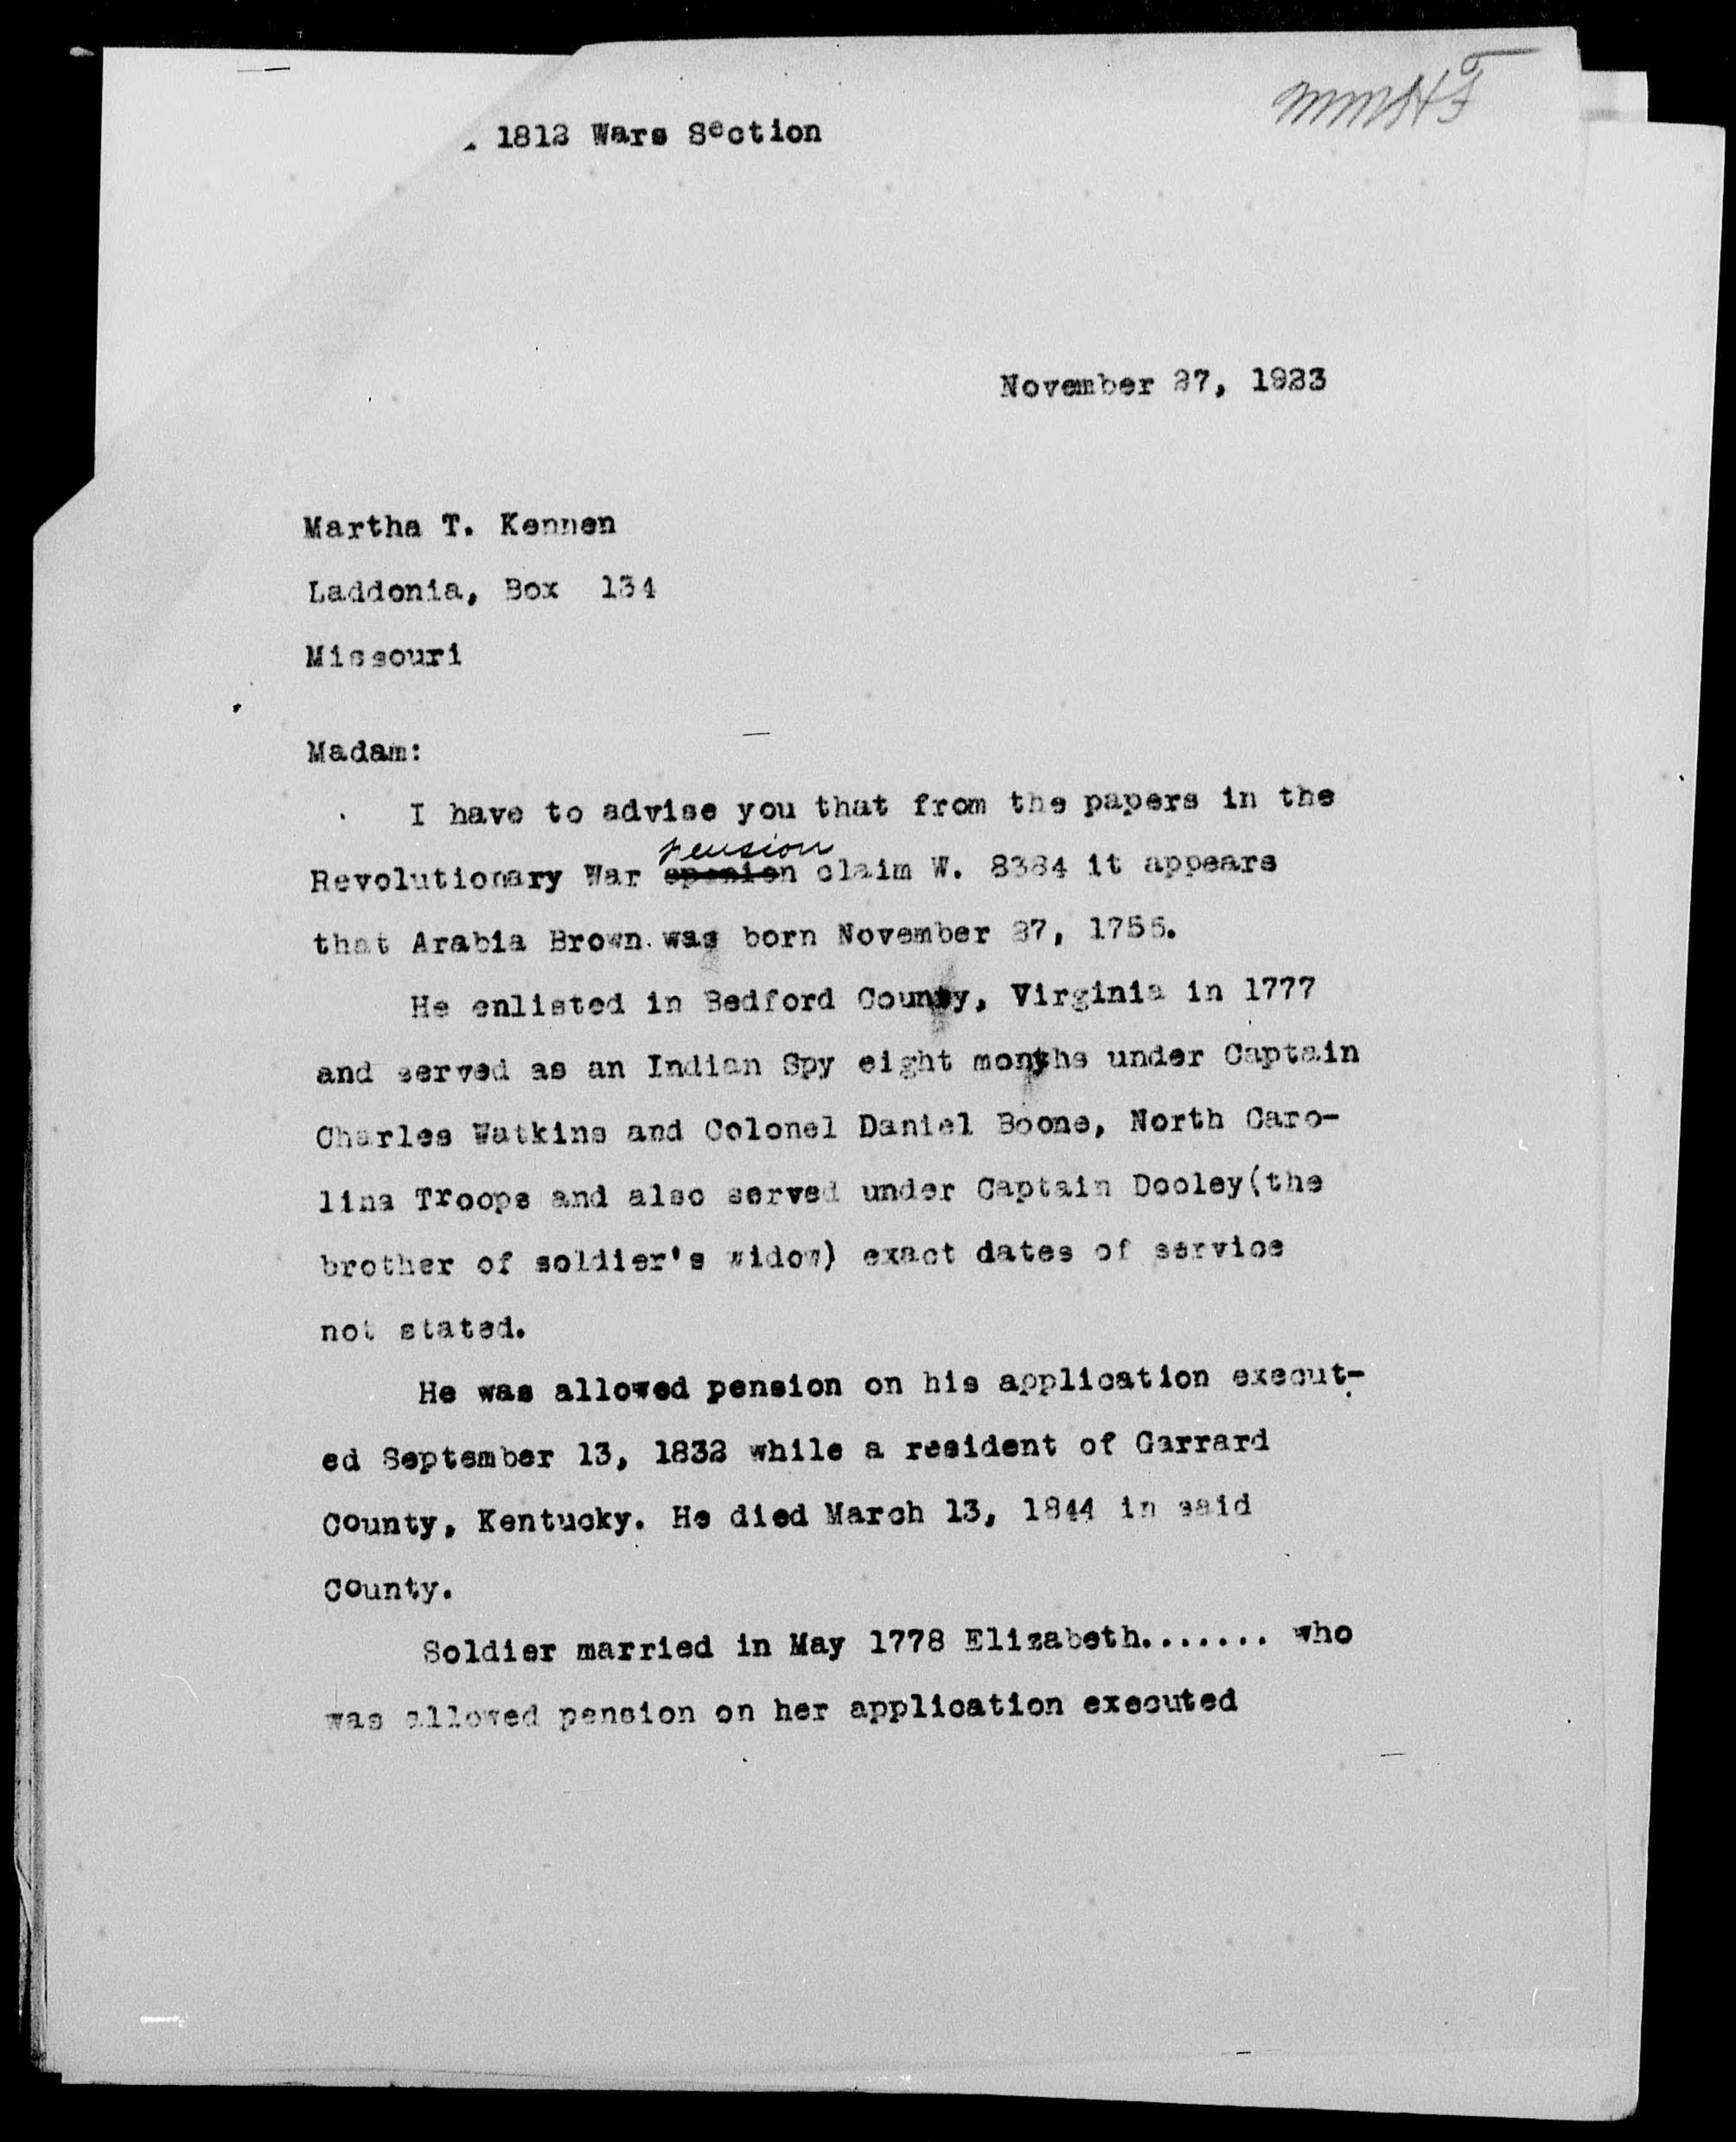1812 Wars Section 

November 27, 1923

Martha T. Kennen 
Laddonia, Box 134 
Missouri 

Madam: 

I have to advise you that from the papers in the Revolutionary War pension claim W. 8384 it appears that Arabia Brown was born November 27, 1755. 

He enlisted in Bedford County, Virginia in 1777 and served as an Indian Spy eight months under Captain Charles Watkins and Colonel Daniel Boone, North Carolina Troops and also served under Captain Dooley (the brother of soldier's widow) exact dates of service not stated. 

He was allowed pension on his application execute September 13, 1832 while a resident of Garrard County, Kentucky. He died March 13, 1844 in said County. 

Soldier married in May 1778 Elizabeth....... who was allowed pension on her application executed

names: Charles Watkins, Elizabeth, Arabia Brown, Daniel Boone, Martha T Kennen, Dooley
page: 46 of 65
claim: widow's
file: W. 8384, Arabia Brown, Va.